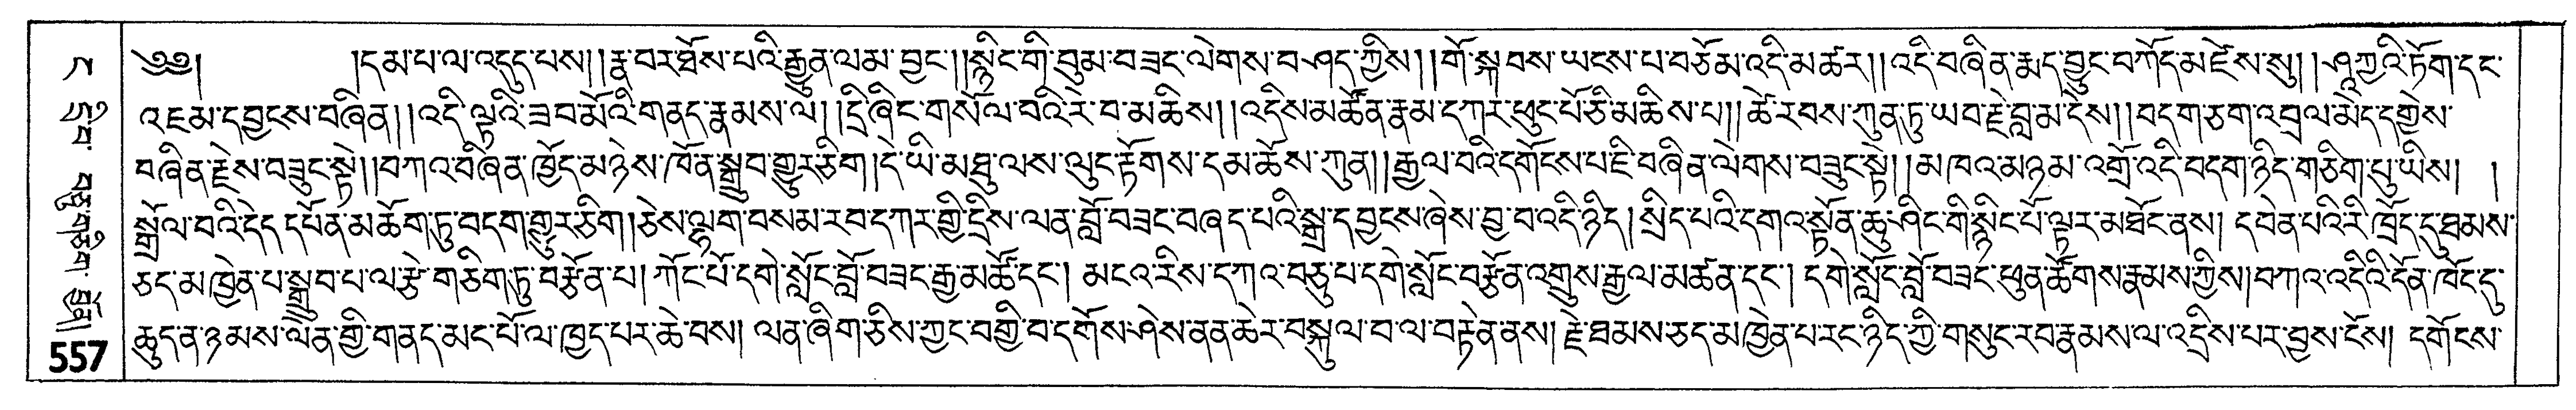༄༅། །དམ་པ་ལ་འདུད་པས། །རྣ་བར་ཐོས་པའི་རྒྱུན་ལམ་བྱང་། །སྙིང་གི་བུམ་བཟང་ལེགས་བཤད་ཀྱིས། །གོ་སྐབས་ཡངས་པ་བཅོམ་འདི་མཚར། །འདི་བཞིན་རྨད་བྱུང་བཀོད་མཛེས་སུ། །ཤཱཀྱའི་ཏོག་དང་
འཇམ་དབྱངས་བཞིན། །འདི་ལྟའི་ཟབ་མོའི་གནད་རྣམས་ལ། །དྲི་ཞིང་གསོལ་བའི་རེ་བ་མཆིས། །འདིས་མཚོན་རྣམ་དཀར་ཕུང་པོ་ཅི་མཆིས་པ། །ཚེ་རབས་ཀུན་ཏུ་ཡབ་རྗེ་བླ་མ་དེས། །བདག་ཅག་འབྲལ་མེད་དགྱེས་
བཞིན་རྗེས་བཟུང་སྟེ། །བཀའ་བཞིན་ཁྱོད་མཉེས་ཁོ་ན་སྒྲུབ་གྱུར་ཅིག །དེ་ཡི་མཐུ་ལས་ལུང་རྟོགས་དམ་ཆོས་ཀུན། །རྒྱལ་བའི་དགོངས་པ་ཇི་བཞིན་ལེགས་བཟུང་སྟེ། །མཁའ་མཉམ་འགྲོ་འདི་བདག་ཉིད་གཅིག་པུ་ཡིས། །
སྒྲོལ་བའི་དེད་དཔོན་མཆོག་ཏུ་བདག་གྱུར་ཅིག །ཅེས་ལྷག་བསམ་རབ་དཀར་གྱི་དྲིས་ལན་བློ་བཟང་བཞད་པའི་སྒྲ་དབྱངས་ཞེས་བྱ་བ་འདི་ཉིད། སྲིད་པའི་དགའ་སྟོན་ཆུ་ཤིང་གི་སྙིང་པོ་ལྟར་མཐོང་ནས། དབེན་པའི་རི་ཁྲོད་དུ་ཐམས་
ཅད་མཁྱེན་པ་སྒྲུབ་པ་ལ་རྩེ་གཅིག་ཏུ་བརྩོན་པ། ཀོང་པོ་དགེ་སློང་བློ་བཟང་རྒྱ་མཚོ་དང་། མངའ་རིས་དཀའ་བཅུ་པ་དགེ་སློང་བརྩོན་འགྲུས་རྒྱལ་མཚན་དང་། དགེ་སློང་བློ་བཟང་ཕུན་ཚོགས་རྣམས་ཀྱིས། བཀའ་འདིའི་དོན་ཁོང་དུ་
ཆུད་ན་ཉམས་ལེན་གྱི་གནད་མང་པོ་ལ་ཁྱད་པར་ཆེ་བས། ལན་ཞིག་ཅིས་ཀྱང་བགྱི་བ་དགོས་ཤེས་ནན་ཆེར་བསྐུལ་བ་ལ་བརྟེན་ནས། རྗེ་ཐམས་ཅད་མཁྱེན་པ་རང་ཉིད་ཀྱི་གསུང་རབ་རྣམས་ལ་འདྲིས་པར་བྱས་ངོས། དགོངས་